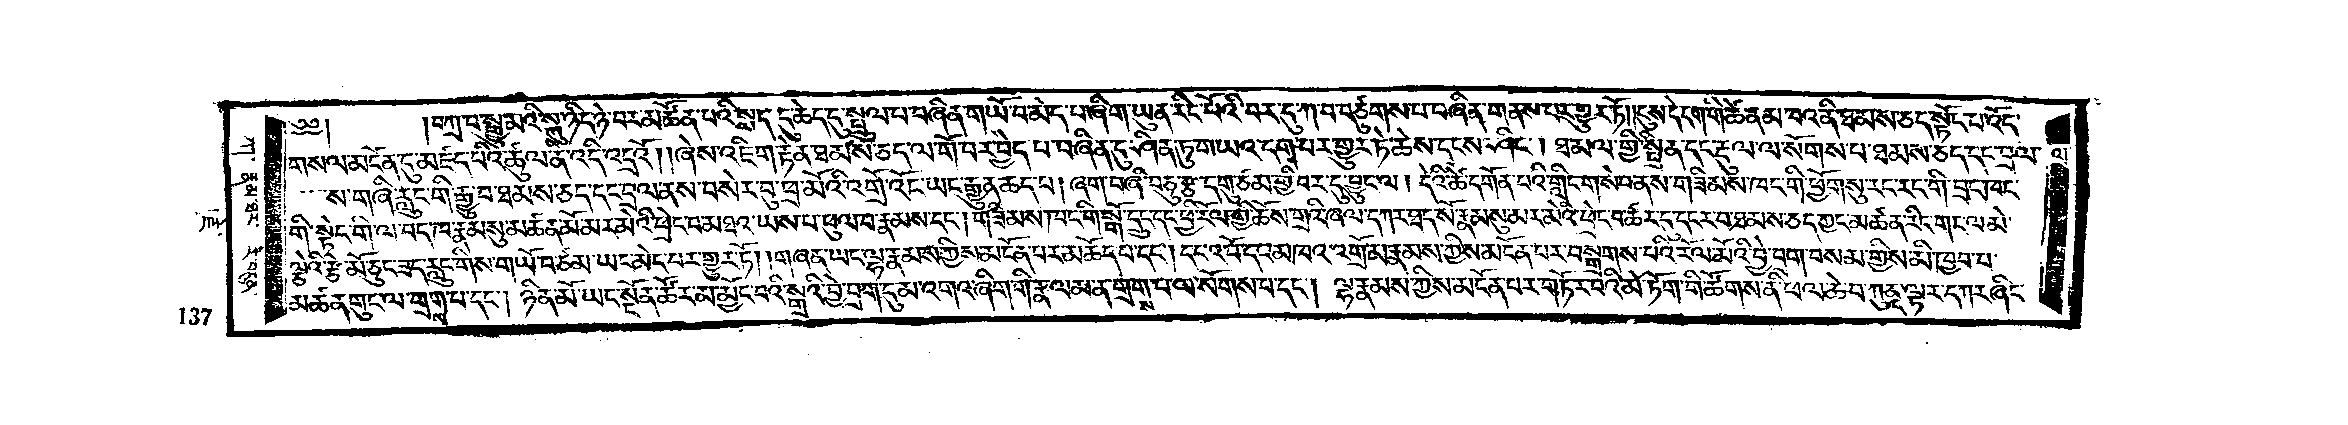༄༅། །བཀྲ་བ་སྒྱུ་མའི་སྐུ་ཉིད་ཉེ་བར་མཚོན་པའི་སླད་དུ་ཆེད་དུ་སྤྲུལ་པ་བཞིན་གཡོ་བ་མེད་པ་ཞིག་ཡུན་རིང་པོའི་བར་དུ་ཀ་བ་བཙུགས་པ་བཞིན་གནས་པར་གྱུར་ཏོ། །ངུས་དེ་དག་གི་ཚེ་ནམ་མཁའ་ནི་ཐམས་ཅད་སྟོང་པ་འོད་
གསལ་མངོན་དུ་མཛད་པའི་ཚུལ་ནི་འདི་འདྲའོ། །ཞེས་འཇིག་རྟེན་ཐམས་ཅད་ལ་གོ་བར་བྱེད་པ་བཞིན་དུ་ཤིན་ཏུ་གཡའ་དག་པར་གྱུར་ཏེ་ཆེས་དྭངས་ཤིང་། ཐ་མལ་གྱི་སྤྲིན་དང་རྡུལ་ལ་སོགས་པ་ཐམས་ཅད་དང་བྲལ་
ས་གཞི་རླུང་གི་རྒྱུ་བ་ཐམས་ཅད་དང་བྲལ་ནས་བསེར་བུ་ཕྲ་མོའི་འགྲོ་འོང་ཡང་རྒྱུན་ཆད་པ། ཞག་བཞི་བཅུ་རྩ་དགུ་ཙམ་གྱི་བར་དུ་བྱུང་ལ། དེའི་ཚེ་དགོན་པའི་གླིང་གསེབ་ནས་གཟིམས་ཁང་གི་ཕྱོགས་སུ་རང་རང་གི་བྲང་ཁང་
གི་སྟེང་གི་ལ་བད་ཁ་རྣམས་སུ་མཚན་མོ་མར་མེའི་ཕྲེང་བ་མཐའ་ཡས་པ་ཕུལ་བ་རྣམས་དང་། གཟིམས་ཁང་གི་སྒོ་དྲུང་དང་ཕྱི་རོལ་གྱི་ཆོས་གྲའི་ཞལ་དཀར་ཐད་སོ་རྣམས་སུ་མར་མེའི་ཕྲེང་བ་ཚར་དུ་དང་ར་བ་ཐམས་ཅད་ཀྱང་མཚན་རིང་གང་ལ་མེ་
ལྕེའི་རྩེ་མོ་ཅུང་ཟད་རླུང་གིས་གཡོ་བ་ཙམ་ཡང་མེད་པར་གྱུར་ཏོ། །གཞན་ཡང་ལྷ་རྣམས་ཀྱིས་མངོན་པར་མཆོད་པ་དང་། དཔའ་བོ་དང་མཁའ་འགྲོ་མ་རྣམས་ཀྱིས་མངོན་པར་བསྒྲགས་པའི་རོལ་མོའི་བྱེ་བྲག་བསམ་གྱིས་མི་ཁྱབ་པ་
མཚན་གུང་ལ་གྲགས་པ་དང་། ཉིན་མོ་ཡང་སྔོན་ཚོར་མ་མྱོང་བའི་སྒྲའི་བྱེ་བྲག་དུ་མ་འགའ་ཞིག་གི་རྣ་ལམ་ན་གྲགས་པ་ལ་སོགས་པ་དང་། ལྷ་རྣམས་ཀྱིས་མངོན་པར་གཏོར་བའི་མེ་ཏོག་གི་ཚོགས་ནི་ཕལ་ཆེ་བ་ཀུནྡ་ལྟར་དཀར་ཞིང་